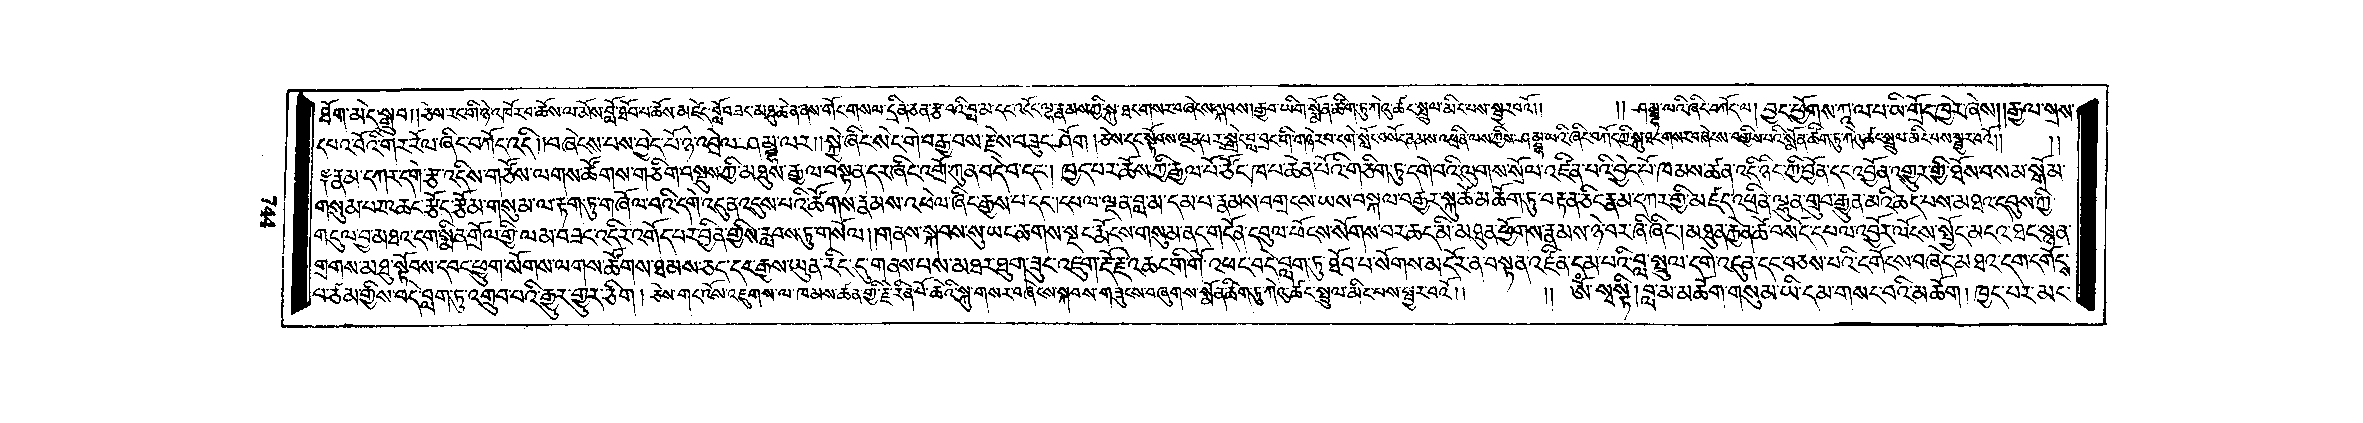ཐོག་མེད་སྒྲུབ། །ཅེས་རང་གི་ཉེ་འཁོར་བ་ཆོས་ལ་མོས་བློ་ཐོབ་པ་ཆོས་མཛེད་བློ་བཟང་མཐུ་ཆེན་ནས་གོང་གསལ་དྲིན་ཅན་རྩ་བའི་བླ་མ་དང་འདོད་ལྷ་རྣམས་ཀྱི་སྐུ་ཐང་གསར་བཞེངས་སྐབས། རྒྱབ་ཡིག་སྨོན་ཚིག་ཏུ་ཀེའུ་ཚང་སྤྲུལ་མིང་པས་སྦྱར་བའོ།། །།ཤམྦྷ་ལའི་ཞིང་བཀོད་ལ། བྱང་ཕྱོགས་ཀཱ་ལ་པ་ཡི་གྲོང་ཁྱེར་ཞེས། །རྒྱལ་སྲས་
དཔའ་བོའི་གར་རོལ་ཞིང་བཀོད་འདི། །བཞེངས་པས་བྱེད་པོ་ཉེ་འབྲེལ་ཤམྦྷ་ལར། །སྐྱེ་ཞིང་སེང་གེ་བརྒྱ་བས་རྗེས་བཟུང་ཤོག །ཅེས་དང་སྟོབས་ལྡན་པར་སྒྲེང་བླ་བྲང་གི་གཉེར་བ་དགེ་སློང་བསོད་ནམས་འཕྲིན་ལས་ཀྱིས་ཤམྦྷ་ལའི་ཞིང་བཀོད་ཀྱི་སྐུ་ཐང་གསར་བཞེངས་བགྱིས་པའི་སྨོན་ཚིག་ཏུ་ཀེའུ་ཚང་སྤྲུལ་མིང་པས་སྦྱར་བའོ།། །།
༈ རྣམ་དཀར་དགེ་རྩ་འདིས་གཙོས་ལགས་ཚོགས་གཅིག་བསྡུས་ཀྱི་མཐུས་རྒྱལ་བསྟན་དར་ཞིང་འགྲོ་ཀུན་བདེ་བ་དང་། ཁྱད་པར་ཆོས་ཀྱི་རྒྱལ་པོ་ཙོང་ཁ་པ་ཆེན་པོའི་གཅིག་ཏུ་དགེ་བའི་ལུགས་སྲོལ་འཛིན་པའི་བྱེད་པོ་ཁམས་ཚན་འདི་ཉིད་ཀྱི་བྱོན་དང་འབྱོན་འགྱུར་གྱི་ཐོས་བསམ་སྒོམ་
གསུམ་པར་འཆང་རྩོད་རྩོམ་གསུམ་ལ་རྟག་ཏུ་གཞོལ་བའི་དགེ་འདུན་འདུས་པའི་ཚོགས་རྣམས་འཕེལ་ཞིང་རྒྱས་པ་དང་། དཔལ་ལྡན་བླ་མ་དམ་པ་རྣམས་བགྲངས་ཡས་བསྐལ་བརྒྱར་སྐུ་ཚེ་མཆོག་ཏུ་བརྟན་ཅིང་རྣམ་དཀར་གྱི་མཛད་འཕྲིན་ལྷུན་གྲུབ་རྒྱུན་མའི་ཆད་པས་མཐའ་དབུས་ཀྱི་
གདུལ་བྱ་མཐའ་དག་སྨིན་གྲོལ་གྱི་ལམ་བཟང་འདིར་འགོད་པར་བྱིན་གྱིས་རླབས་ཏུ་གསོལ། །གནས་སྐབས་སུ་ཡང་ཆགས་སྡང་རྨོངས་གསུམ་ནད་གདོན་དབུལ་ཕོངས་སོགས་བར་ཆད་མི་མཐུན་ཕྱོགས་རྣམས་ཉེ་བར་ཞི་ཞིང་། མཐུན་རྐྱེན་ཚེ་བསོད་དཔལ་འབྱོར་ལོངས་སྤྱོད་མངའ་ཐང་སྙན་
གྲགས་མཐུ་སྟོབས་དབང་ཕྱུག་སོགས་ལགས་ཚོགས་ཐམས་ཅད་དར་རྒྱས་ཡུན་རིང་དུ་གནས་པས་མཐར་ཐུག་ཟུང་འཇུག་རྡོ་རྗེ་འཆང་གི་གོ་འཕང་བདེ་བླག་ཏུ་ཐོབ་པ་སོགས་མདོར་ན་བསྟན་འཛིན་དམ་པའི་བླ་སྤྲུལ་དགེ་འདུན་དང་བཅས་པའི་དགོངས་བཞེད་མཐའ་དག་དགོངས་
པ་ཙམ་གྱིས་བདེ་བླག་ཏུ་འགྲུབ་པའི་རྒྱུར་གྱུར་ཅིག །ཅེས་གང་འོས་འཇུགས་ལ་ཁམས་ཚན་གྱི་རྗེ་རིན་པོ་ཆེའི་སྐུ་གསར་བཞེངས་སྐབས་གཟུངས་བཞུགས་སྨོན་ཚིག་ཏུ་ཀེའུ་ཚང་སྤྲུལ་མིང་པས་སྦྱར་བའོ།། །།